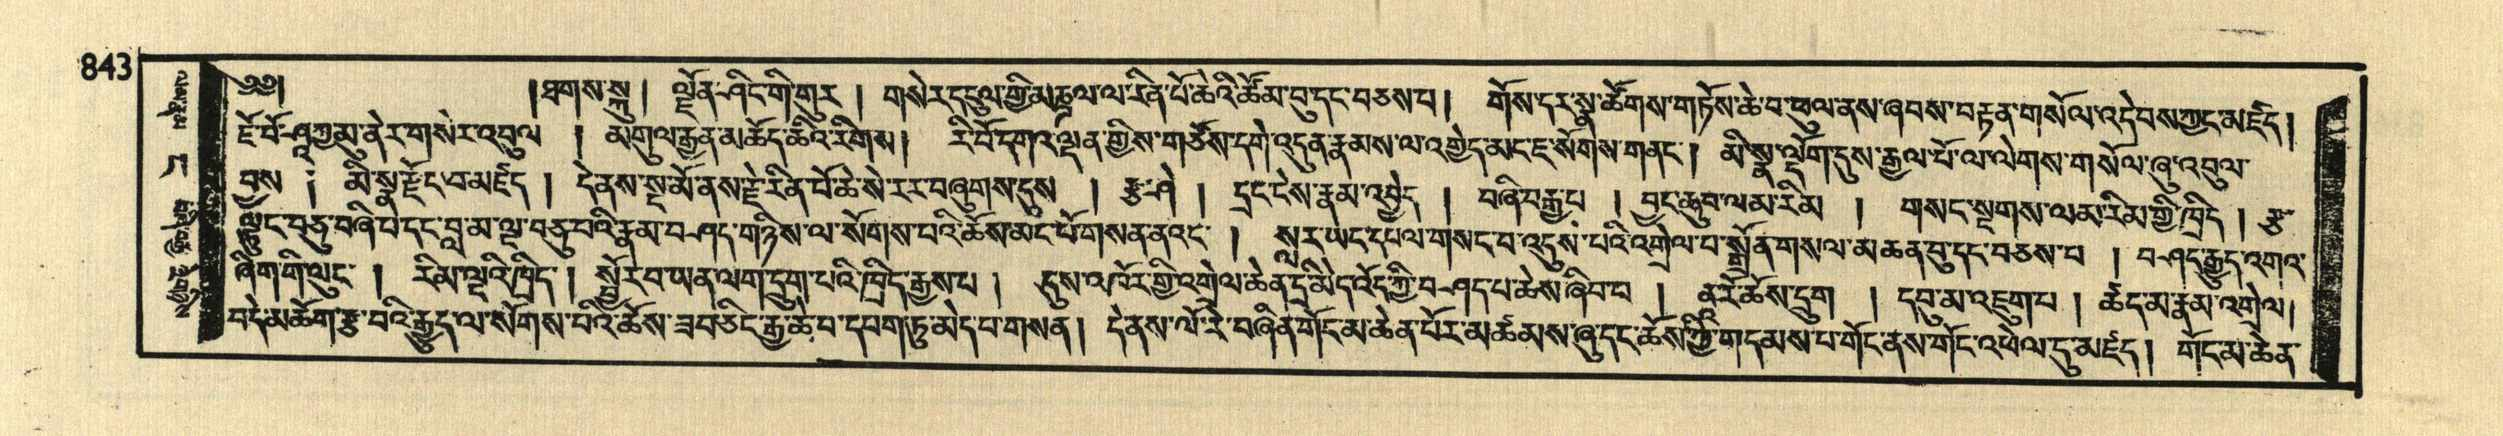༄༅། །ཐགས་སྐུ། ལྗོན་ཤིང་གི་གུར། གསེར་དངུལ་གྱི་མཎྜལ་ལ་རིན་པོ་ཆེའི་ཚོམ་བུ་དང་བཅས་པ། གོས་དར་སྣ་ཚོགས་གཏོས་ཆེ་བ་ཕུལ་ནས་ཞབས་བརྟན་གསོལ་འདེབས་ཀྱང་མཛད།
ཇོ་བོ་ཤཱཀྱ་མུ་ནེ་ར་གསེར་འབུལ་།མགུལ་རྒྱན་མཆོད་ཆའི་རིགས། རི་བོ་དགའ་ལྡན་གྱིས་གཙོས་དགེ་འདུན་རྣམས་ལ་འགྱེད་མང་ཇ་སོགས་གནང་། མི་སྣ་ལྡོག་དུས་རྒྱལ་པོ་ལ་ལེགས་གསོལ་ཞུ་འབུལ་
བྱས༑ མི་སྣ་རྫོང་བ་མཛད། དེ་ནས་སྔ་མོ་ནས་རྗེ་རིན་པོ་ཆེ་སེ་རར་བཞུགས་དུས། རྩ་ཤེ། དྲང་ངེས་རྣམ་འབྱེད། བཞི་བརྒྱ་པ། བྱང་ཆུབ་ལམ་རིམ། གསང་སྔགས་ལམ་རིམ་གྱི་ཁྲིད། རྩ་
ལྟུང་བཅུ་བཞི་པ་དང་བླ་མ་ལྔ་བཅུ་པའི་རྣམ་བཤད་གཉིས་ལ་སོགས་པའི་ཆོས་མང་པོ་གསན་ནའང་། སླར་ཡང་དཔལ་གསང་བ་འདུས་པའི་འགྲེལ་པ་སྒྲོན་གསལ་མཆན་བུ་དང་བཅས་པ། བཤད་རྒྱུད་འགའ་
ཞིག་གི་ལུང་། རིམ་ལྔའི་ཁྲིད། སྦྱོར་བ་ཡན་ལག་དྲུག་པའི་ཁྲིད་རྒྱས་པ། དུས་འཁོར་གྱི་འགྲེལ་ཆེན་དྲི་མེད་འོད་ཀྱི་བཤད་པ་ཆེས་ཞིབ་པ། ནཱ་རོ་ཆོས་དྲུག ། དབུ་མ་འཇུག་པ། ཚད་མ་རྣམ་འགྲེལ།
བདེ་མཆོག་རྩ་བའི་རྒྱུད་ལ་སོགས་པའི་ཆོས་ཟབ་ཅིང་རྒྱ་ཆེ་བ་དཔག་ཏུ་མེད་པ་གསན། དེ་ནས་ལོ་རེ་བཞིན་གོང་མ་ཆེན་པོར་མཚམས་ཞུ་དང་ཆོས་ཀྱི་གདམས་པ་གོང་ནས་གོང་འཕེལ་དུ་མཛད། གོང་མ་ཆེན་